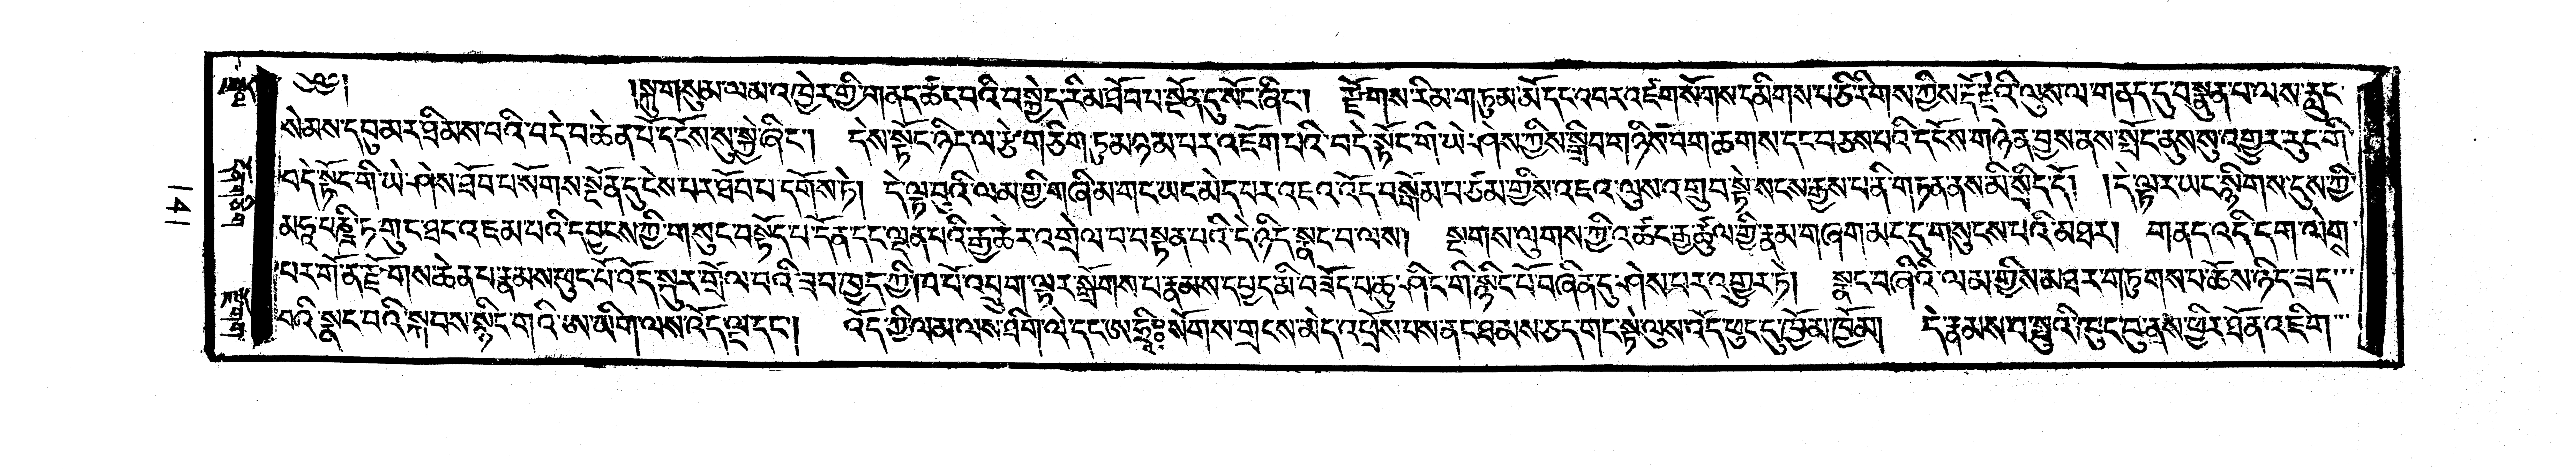༄༅། །སྐུ་གསུམ་ལམ་འཁྱེར་གྱི་གནད་ཚང་བའི་བསྐྱེད་རིམ་ཐོབ་པ་སྔོན་དུ་སོང་ཞིང་། རྫོགས་རིམ་གཏུམ་མོ་དང་འབར་འཛག་སོགས་དམིགས་པ་ཅི་རིགས་ཀྱིས་རྡོ་རྗེའི་ལུས་ལ་གནད་དུ་བསྣུན་པ་ལས་རླུང་
སེམས་དབུ་མར་ཐིམས་པའི་བདེ་བ་ཆེན་པོ་དངོས་སུ་སྐྱེ་ཞིང་། དེས་སྟོང་ཉིད་ལ་རྩེ་གཅིག་ཏུ་མཉམ་པར་འཇོག་པའི་བདེ་སྟོང་གི་ཡེ་ཤེས་ཀྱིས་སྒྲིབ་གཉིས་བག་ཆགས་དང་བཅས་བའི་དངོས་གཉེན་བྱས་ནས་སྤོང་ནུས་སུ་འགྱུར་རུང་གི་
བདེ་སྟོང་གི་ཡེ་ཤེས་ཐོབ་པ་སོགས་སྔོན་དུ་ངེས་པར་ཐོབ་པ་དགོས་ཏེ། དེ་ལྟ་བུའི་ལམ་གྱི་གཞིམ་གང་ཡང་མེད་པར་འཇའ་འོད་བསྒོམ་པ་ཙམ་གྱིས་འཇའ་ལུས་འགྲུབ་སྟེ་སངས་རྒྱས་པ་ནི་གཏན་ནས་མི་སྲིད་དོ། །དེ་ལྟར་ཡང་སྙིགས་དུས་ཀྱི་
མཧཱ་པཎྜི་ཏ་གུང་ཐང་འཇམ་པའི་དབྱངས་ཀྱི་གསུང་བསྟོད་པ་དོན་དང་ལྡན་པའི་རྒྱ་ཆེར་འགྲེལ་བ་བསྟན་པའི་དེ་ཉིད་སྣང་བ་ལས། སྔགས་ལུགས་ཀྱི་འཚང་རྒྱ་ཚུལ་གྱི་རྣམ་གཞག་མང་དུ་གསུངས་པའི་མཐར། གནད་འདི་དག་ལེགས་
བར་གོ་ན་རྫོགས་ཆེན་པ་རྣམས་ཕུང་པོ་འོད་སྐུར་གྲོལ་བའི་ཟབ་ཁྱད་ཀྱི་ཁ་ཕོ་འབྲུག་ལྟར་སྒྲོགས་པ་རྣམས་དཔྱད་མི་བཟོད་པ་ཆུ་ཤིང་གི་སྙིང་པོ་བཞིན་དུ་ཤེས་པར་འགྱུར་ཏེ། སྣང་བཞིའི་ལམ་གྱིས་མཐར་གཏུགས་པ་ཆོས་ཉིད་ཟད་
པའི་སྣང་བའི་སྐབས་སྙིང་གའི་ཨ་ཡིག་ལས་འོད་ལྔ་དང་། འོད་ཀྱི་ལམ་ལས་ཐིག་ལེ་དང་ཨ་ཧྲཱིཿ སོགས་གྲངས་མེད་འཕྲོས་བས་ནང་ཐམས་ཅད་གང་སྟེ་ལུས་འོད་ཕུང་དུ་ཁྱོམ་ཁྱོམ། དེ་རྣམས་བསྤུའི་ཁུང་བུ་ནས་ཕྱིར་ཐོན་འཇིག་